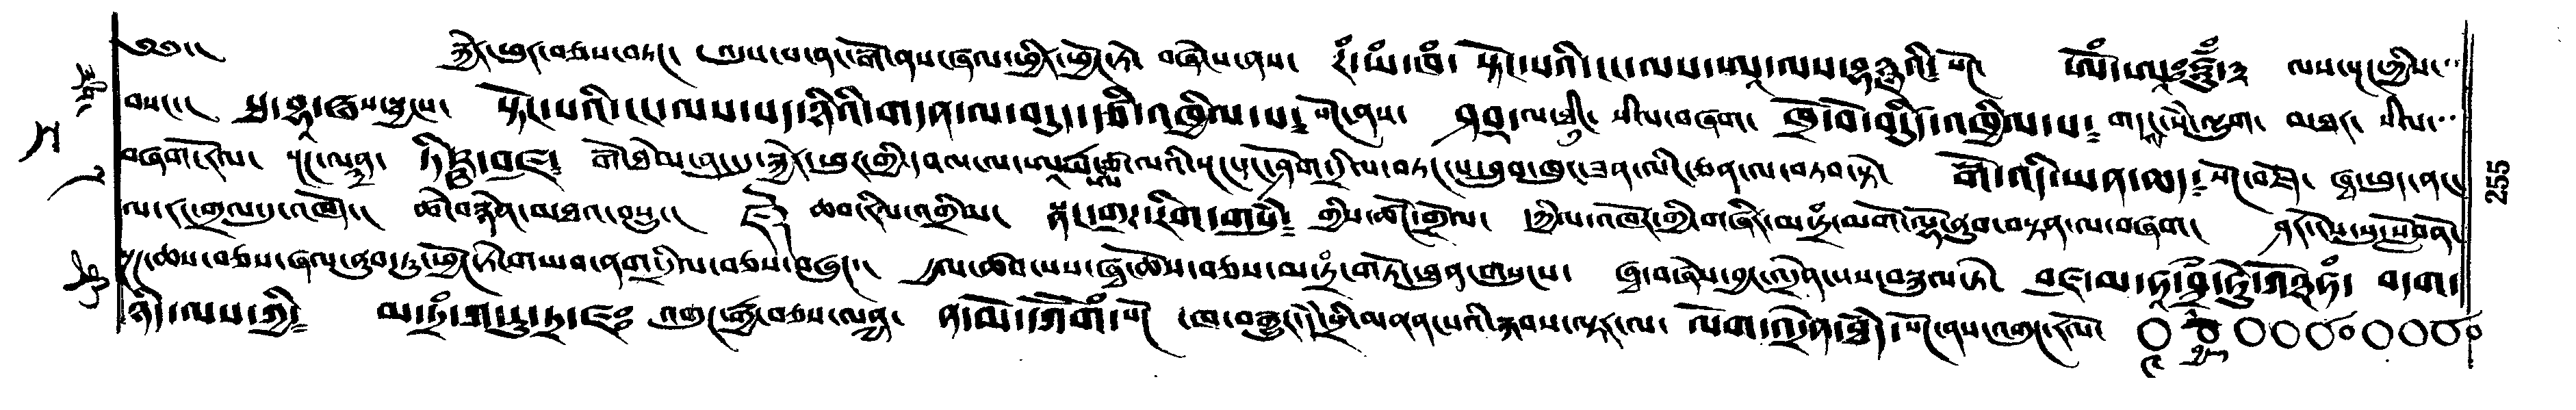སྐྱེར་ཕུར་བཅས་བཏགས། འདུས་པ་ནང་སྒོ་ནས་ཞལ་ཕྱིར་ཕྱོགས་ཏེ་བཞེངས་ནས། རྃ་ཡྃ་ཁྃ། སྟོང་པའི་ངང་ལས་ཨཱ་ལས་བྷཉྫའི༴ སོགས། ཨོཾ་ཨཱཿཧཱུྃ་གསུམ། ལས་སྔགས་ཀྱིས་
བསང་། སྭ་བྷཱ་ཝ ས་སྦྱངས། སྟོང་པའི་ངང་ལས་པད་ཉིའི་གདན་ལ་བདུད་རྩི་འཁྱིལ་པ༴ སོགས་ནས། ཤབྡ་ལ་ཐིང་གཅིག ཟིལ། བཞག ཁྲོ་བོ་བདུད་རྩི་འཁྱིལ་པ༴ གདངས་སམ་ལྷུག མཐར་ ཟིལ་
བཞག་རོལ། སྔགས་ལན་གསུམ། ཏིཥྛ་བཛྲ་སྒོ་ཐེམ་ནང་དུ་སྐྱེར་ཕུར་གྱི་དབལ་ལ་ཨཱརྻ་ཨ་ཙ་ལའི་སྔགས་དང་ཤོག་དྲིལ་བཏགས་པ་བྲུབ་ཁུང་ཟན་ལིང་ཅན་ལ་བཏབ་སྟེ། སྒོ་འདི་ཡན་ཆད༴ སོགས་བརྗོད། ཞྭ་ཕུད་ནང་
ལ་རང་གྲལ་དུ་འཁོད། ཚེ་སྙེན་མཐའ་བསྡུ། ཆབ་རིལ་དགྲམ། སྣང་གྲགས་རིགས་གསུམ༴ གྱིས་ཚོགས་གྲོལ། དཀྱིལ་འཁོར་གྱི་གཞར་མ་ཏྲཾ་མགོ་ལྷོ་ནུབ་ཏུ་བསྟན་ལ་གཞག ཤར་ངོས་སུ་སློབ་དཔོན་
སྔགས་ཆས་བཅས་ཞལ་ནུབ་ཏུ་ཕྱོགས་ཏེ་གཡབ་ནག་དྲིལ་བཅས་བཞུགས། རྒྱལ་ཚབ་པས་ཞྭ་ཆོས་བཅས་མ་ཏྲཾ་གཏོང་ཐུན་གསུང་། ཞྭ་བཞེས་བྱང་འདྲེན་པས་བསྐུལ་ཏེ། བཛྲ་མ་ཧཱ་ཤྲཱྀ་ཧེ་རུ་ཀོཉཧཾ། བདག་
ཉིད་ལས་ཀྱི༴ མ་ཏྲཾ་ཀ་རུ་ཏྲ་ཛཿ འགུགས་རྒྱ་བཅས་ལན་བདུན། ན་མོ། དཀོན་མཆོག་གསུམ༴ སོགས། ཁ་སྒྱུར་དམ་སྲི་མནན་པའི་སྐབས་ལྟར་ལ། ལོག་འདྲེན་ཐམས་ཅད༴ སོགས་ནས་འགུགས་རོལ།